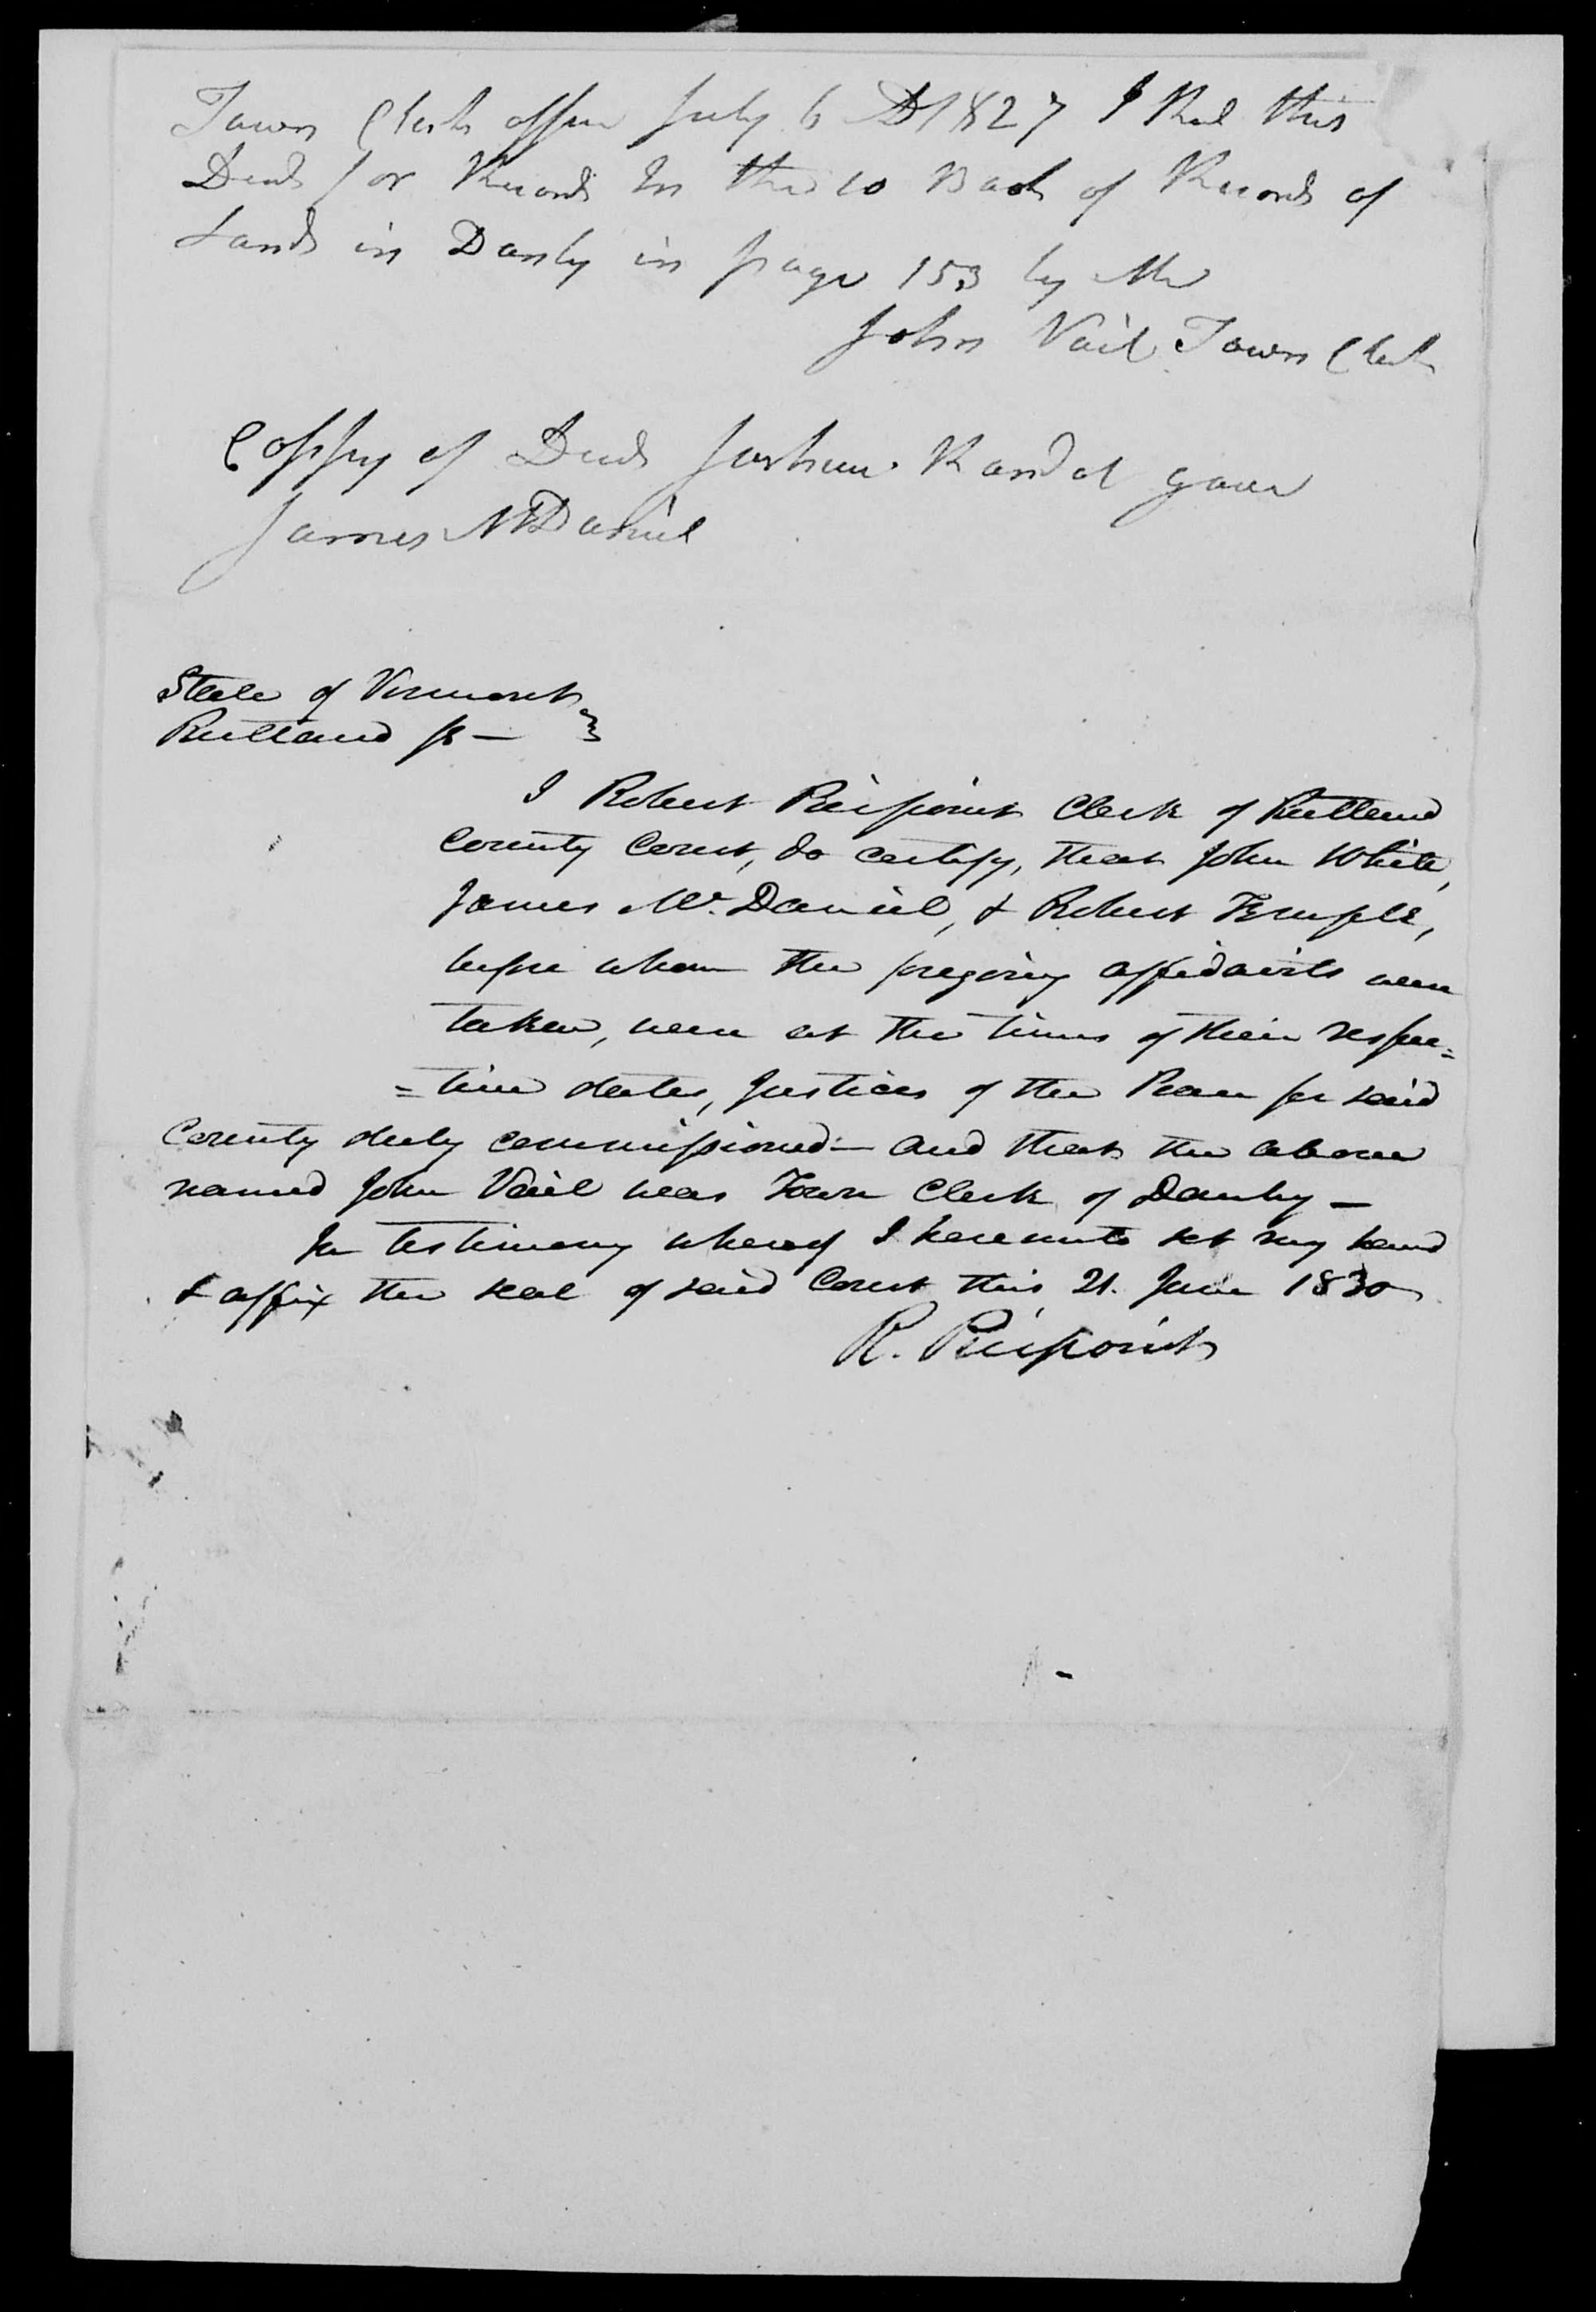Town Clerk’s office July 6 AD 1827. I that this
Deed for Record in the [sd] Book of Record of
Land in Danby in page 153 by Mr
John Vail Town Clerk
Coppy of Deed John Randal gave
James Mc Daniel

State of Vermont Rutland ss
I Robert Pierpoint Clerk of Rutland
County Court, do certify, that John White,
James McDaniel & Robert Temple,
before whom the foregoing affidavits were
taken, were at the times of their respective dates, 
Justices of the Peace for said
County duly commissioned. And that the above
named John Vail was Town Clerk of Danby.
In testimony whereof I hereunto set my hand
& affix the seal of said Court this 21 June 1830.
R. Pierpoint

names: Robert Pierpoint; Robert Temple; John White; James Mc Daniel; John Vail; Joshua Randal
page: 17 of 20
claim: survivor's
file: S. 41,090, for Joshua Randall, Massachusetts